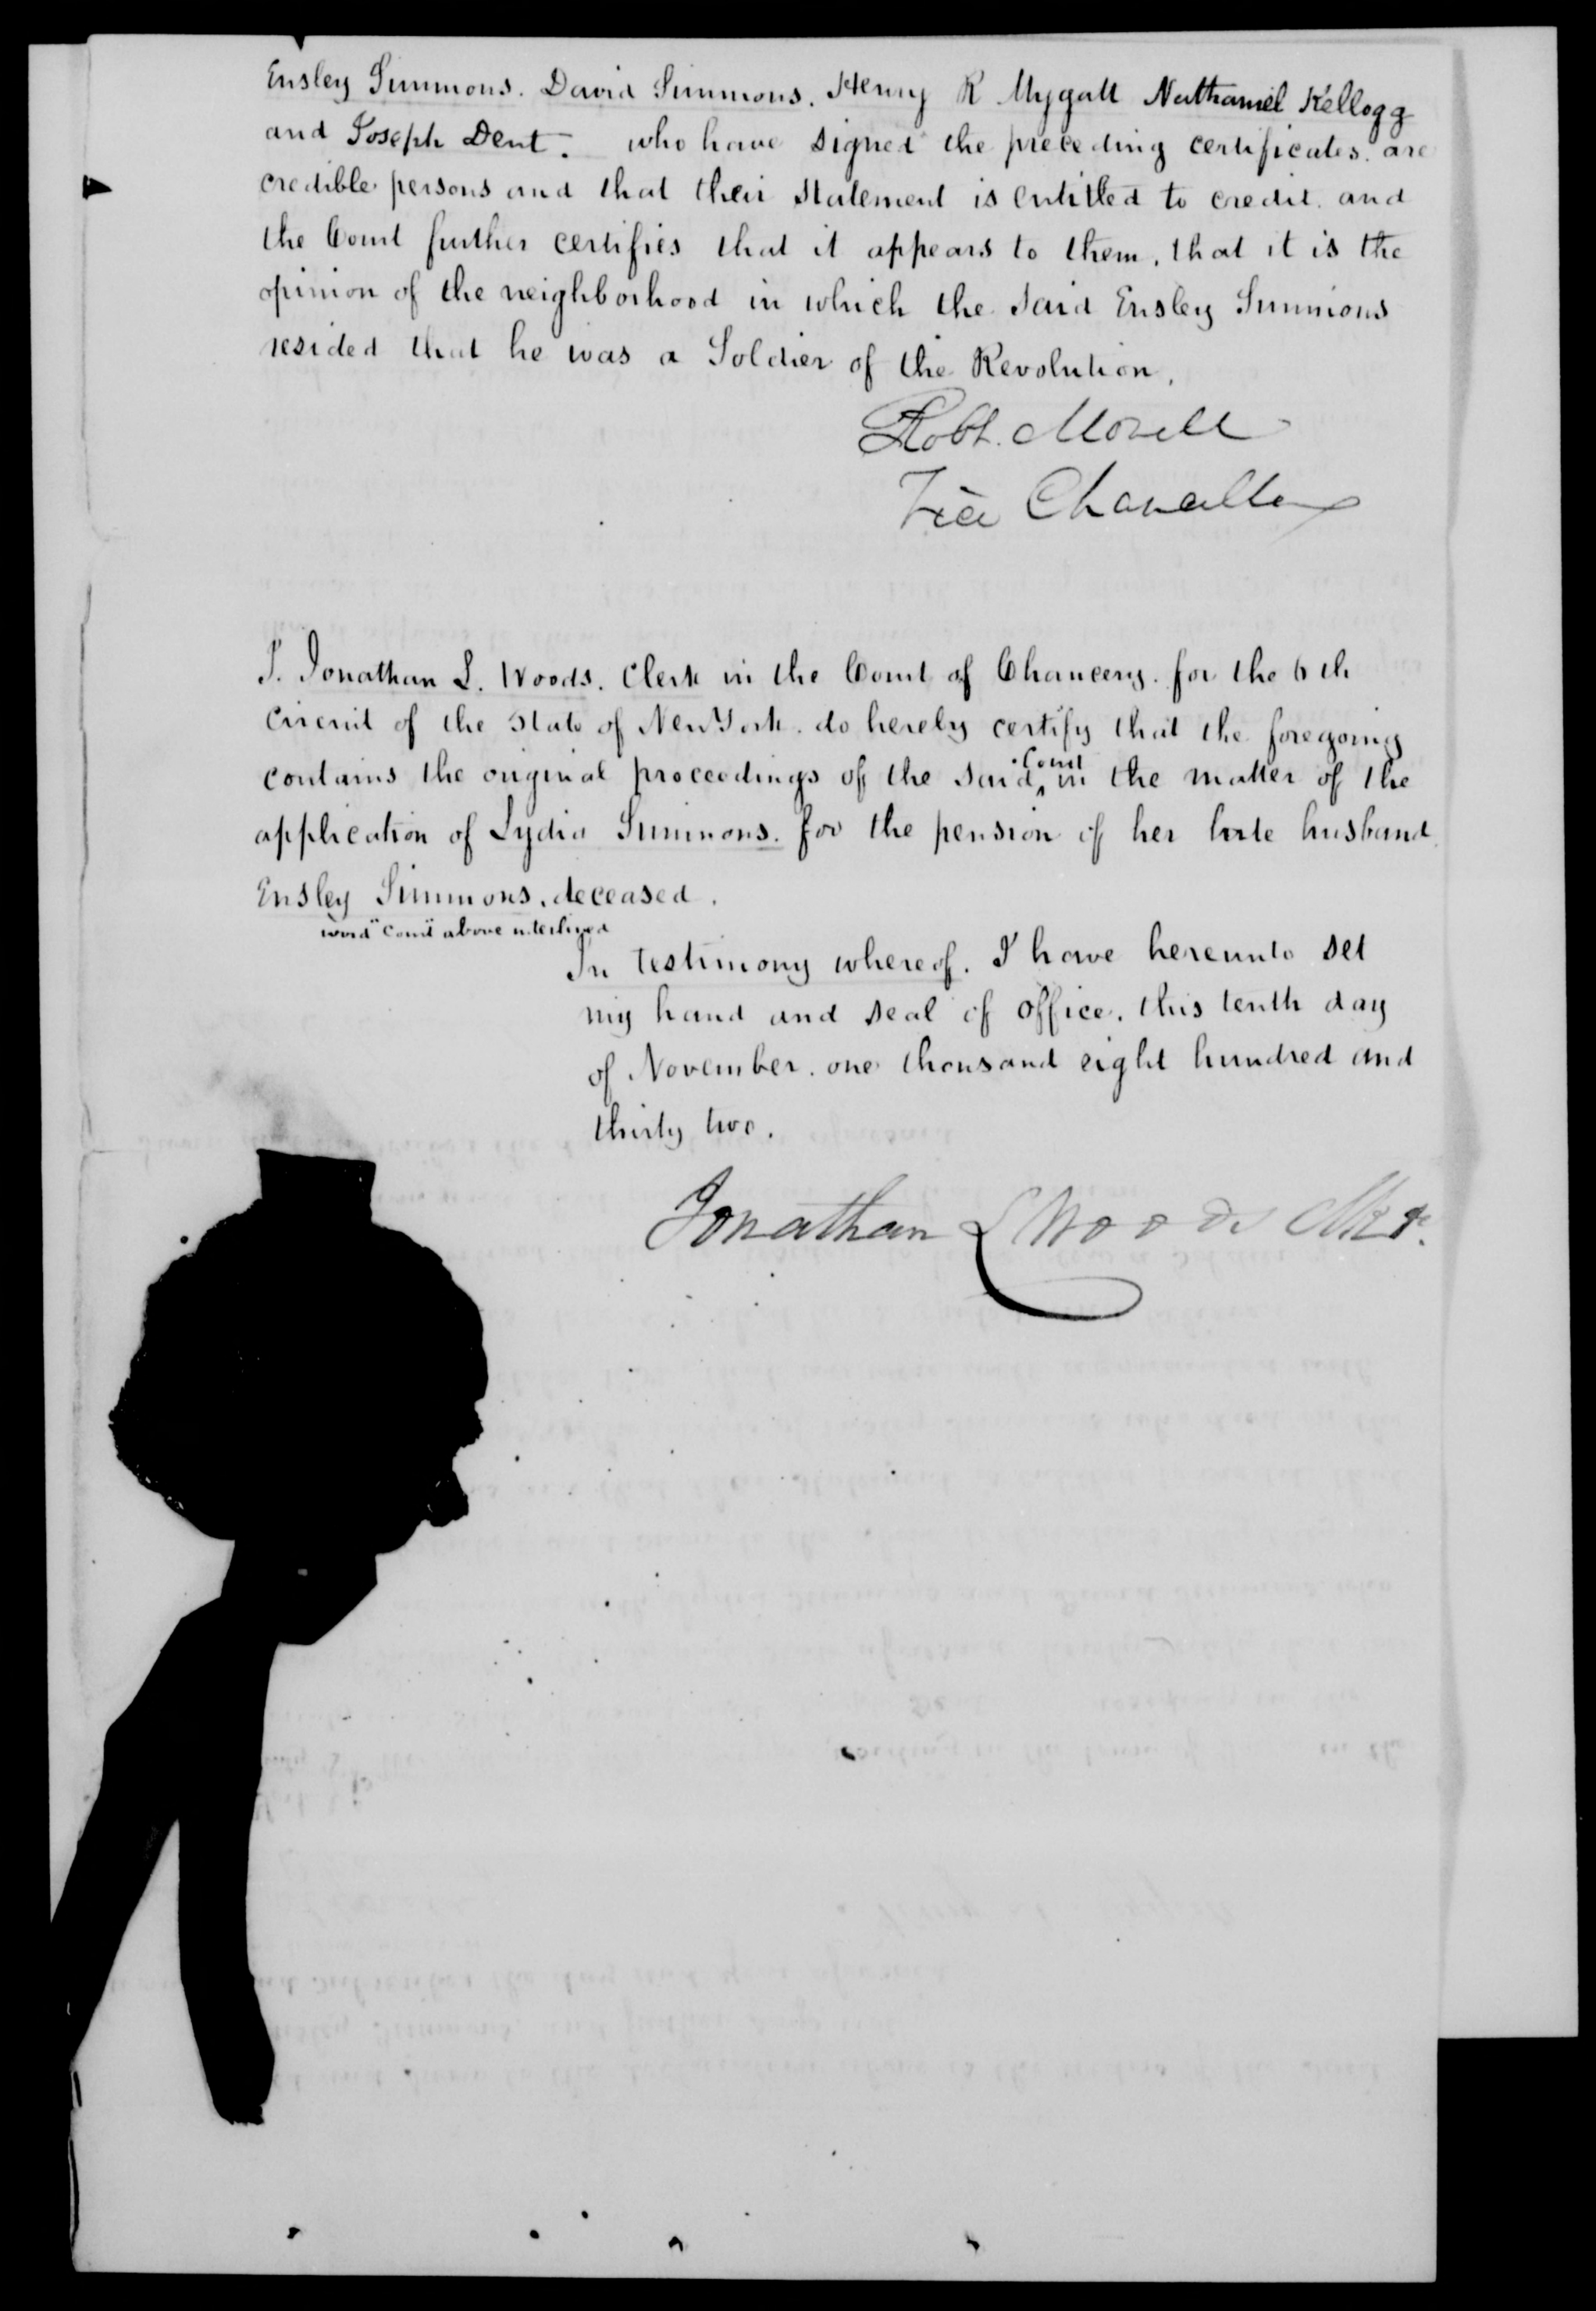Ensley Simmons, David Simmons, Henry R Mygatt Nathaniel Kellogg
and Joseph Dent, who have signed the preceding certificates are
credible persons and that their statement is entitled to credit, and
the Court further certifies that it appears to them, that it is the
opinion of the neighborhood in which the said Ensley Simmons resided
that he was a Soldier of the Revolution
Rob L Morrell
 Vice Chancellor

I. Jonathan S. Woods, Clerk in the Court of Chancery for the 6th Circuit of the State of New York, do hereby certify that the foregoing
contains the original proceedings of the said Court in the mater of the
application of Lydia Simmons for the pension of her late husband
Ensley Simmons, deceased
word "Court" above above underlined
In testimony whereof I have hereunto set
my hand and seal of office this tenth day
of November, one thousand eight hundred and thirty two.
Jonathan F Woods Clk.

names: Jonathan L Woods; Joseph Dent; Robt Morrell; Ensley Simmons; Nathaniel Kellogg; Ensley Simmons; Lydia Simmons; David Simmons; Henry R Mygatt; Jonathan L Woods; Ensley Simmons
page: 7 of 29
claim: widow's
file: W. 19,032, for Ensley Simmons, New York